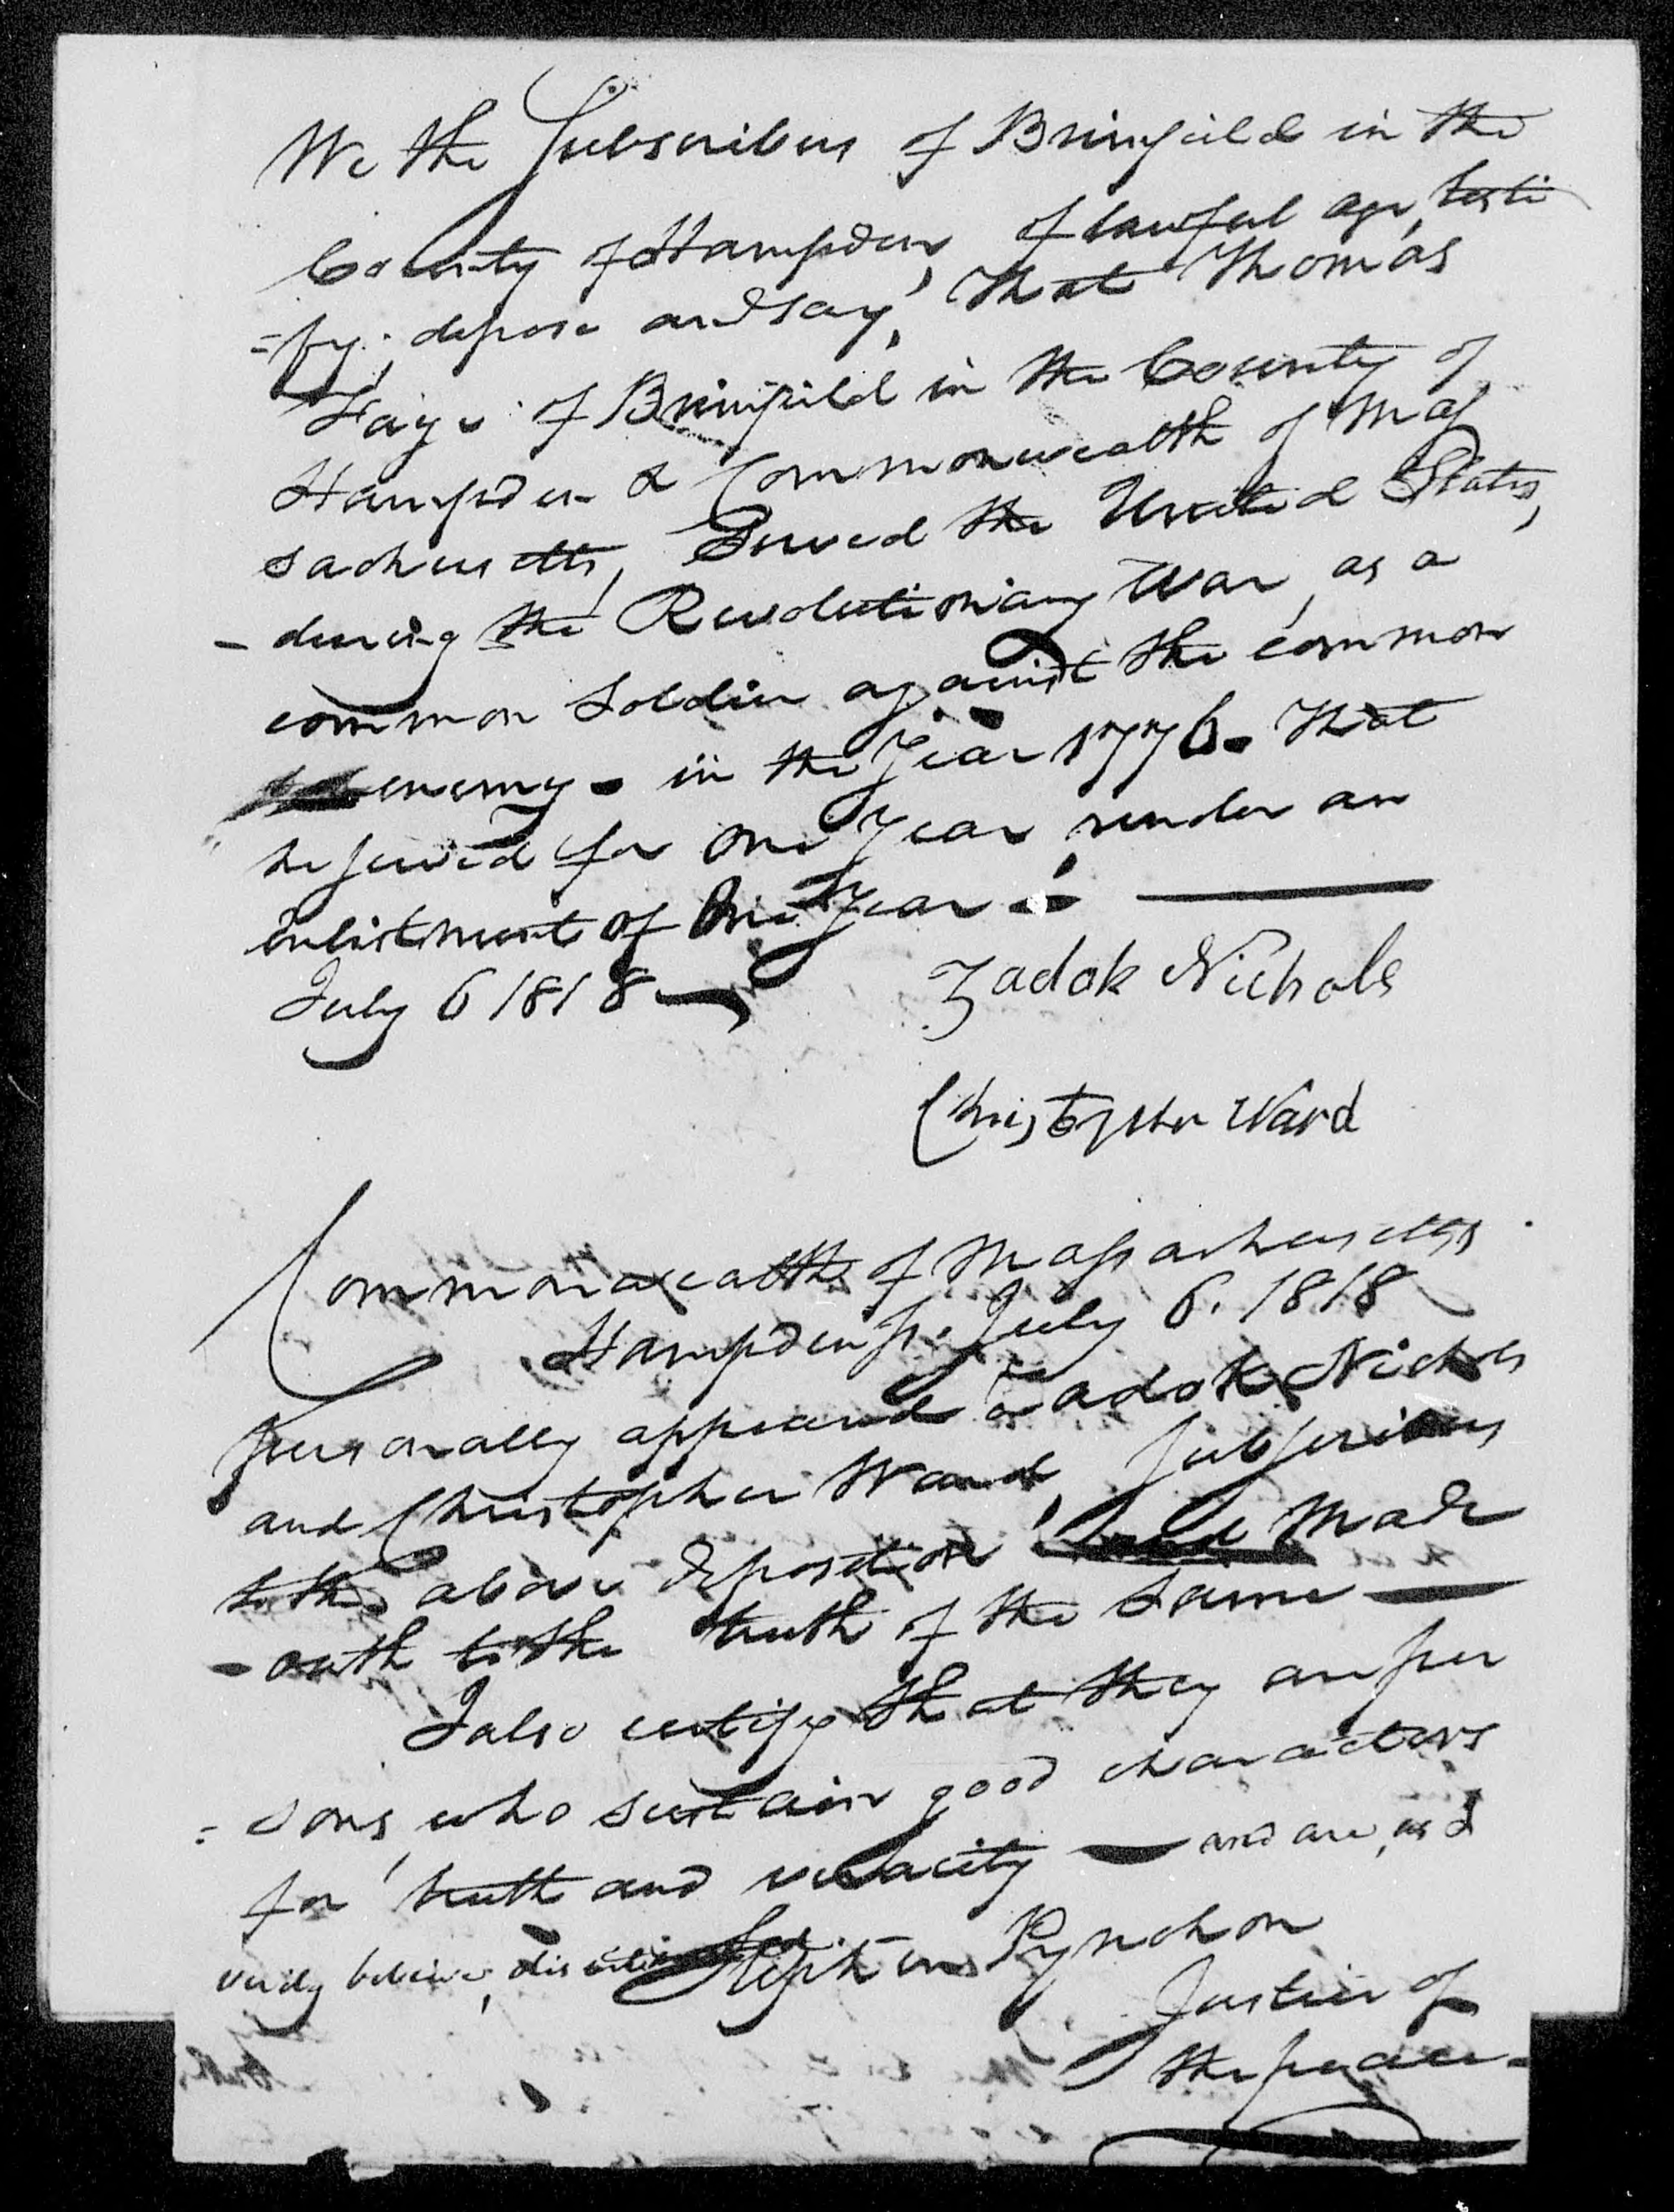We the Subscribers of Brimfield in the County of Hampden of lawful age testify, depose and say that Thomas Fay of Brimfield in the County if Hampden & Commonwealth of Massachusetts Served the United States during the Revolutionary War, as a common soldier against the common enemy in the year 1776. That he served for one year under an Enlistment of one year - --- 
July 6 1818- Zadok Nichols 
Christopher Ward 

Commonwealth of Massachusetts Hampden Ss July 6 1818
personally appeared Zadock Nichols and Christopher Ward subscribed to the above deposition made oath to the truth of this same - 

I also certify that they are persons who sustain good characters for truth and veracity and are and be verily believed & certified 

Stephen Pynchon 
Justice of of the peace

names: Zadok Nichols, Zadok Nichols, Christopher Ward, Thomas Fay, Christopher Ward, Stephen Pynchon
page: 7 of 31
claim: survivor's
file: S. 34,839, Thomas Fay, Mass.